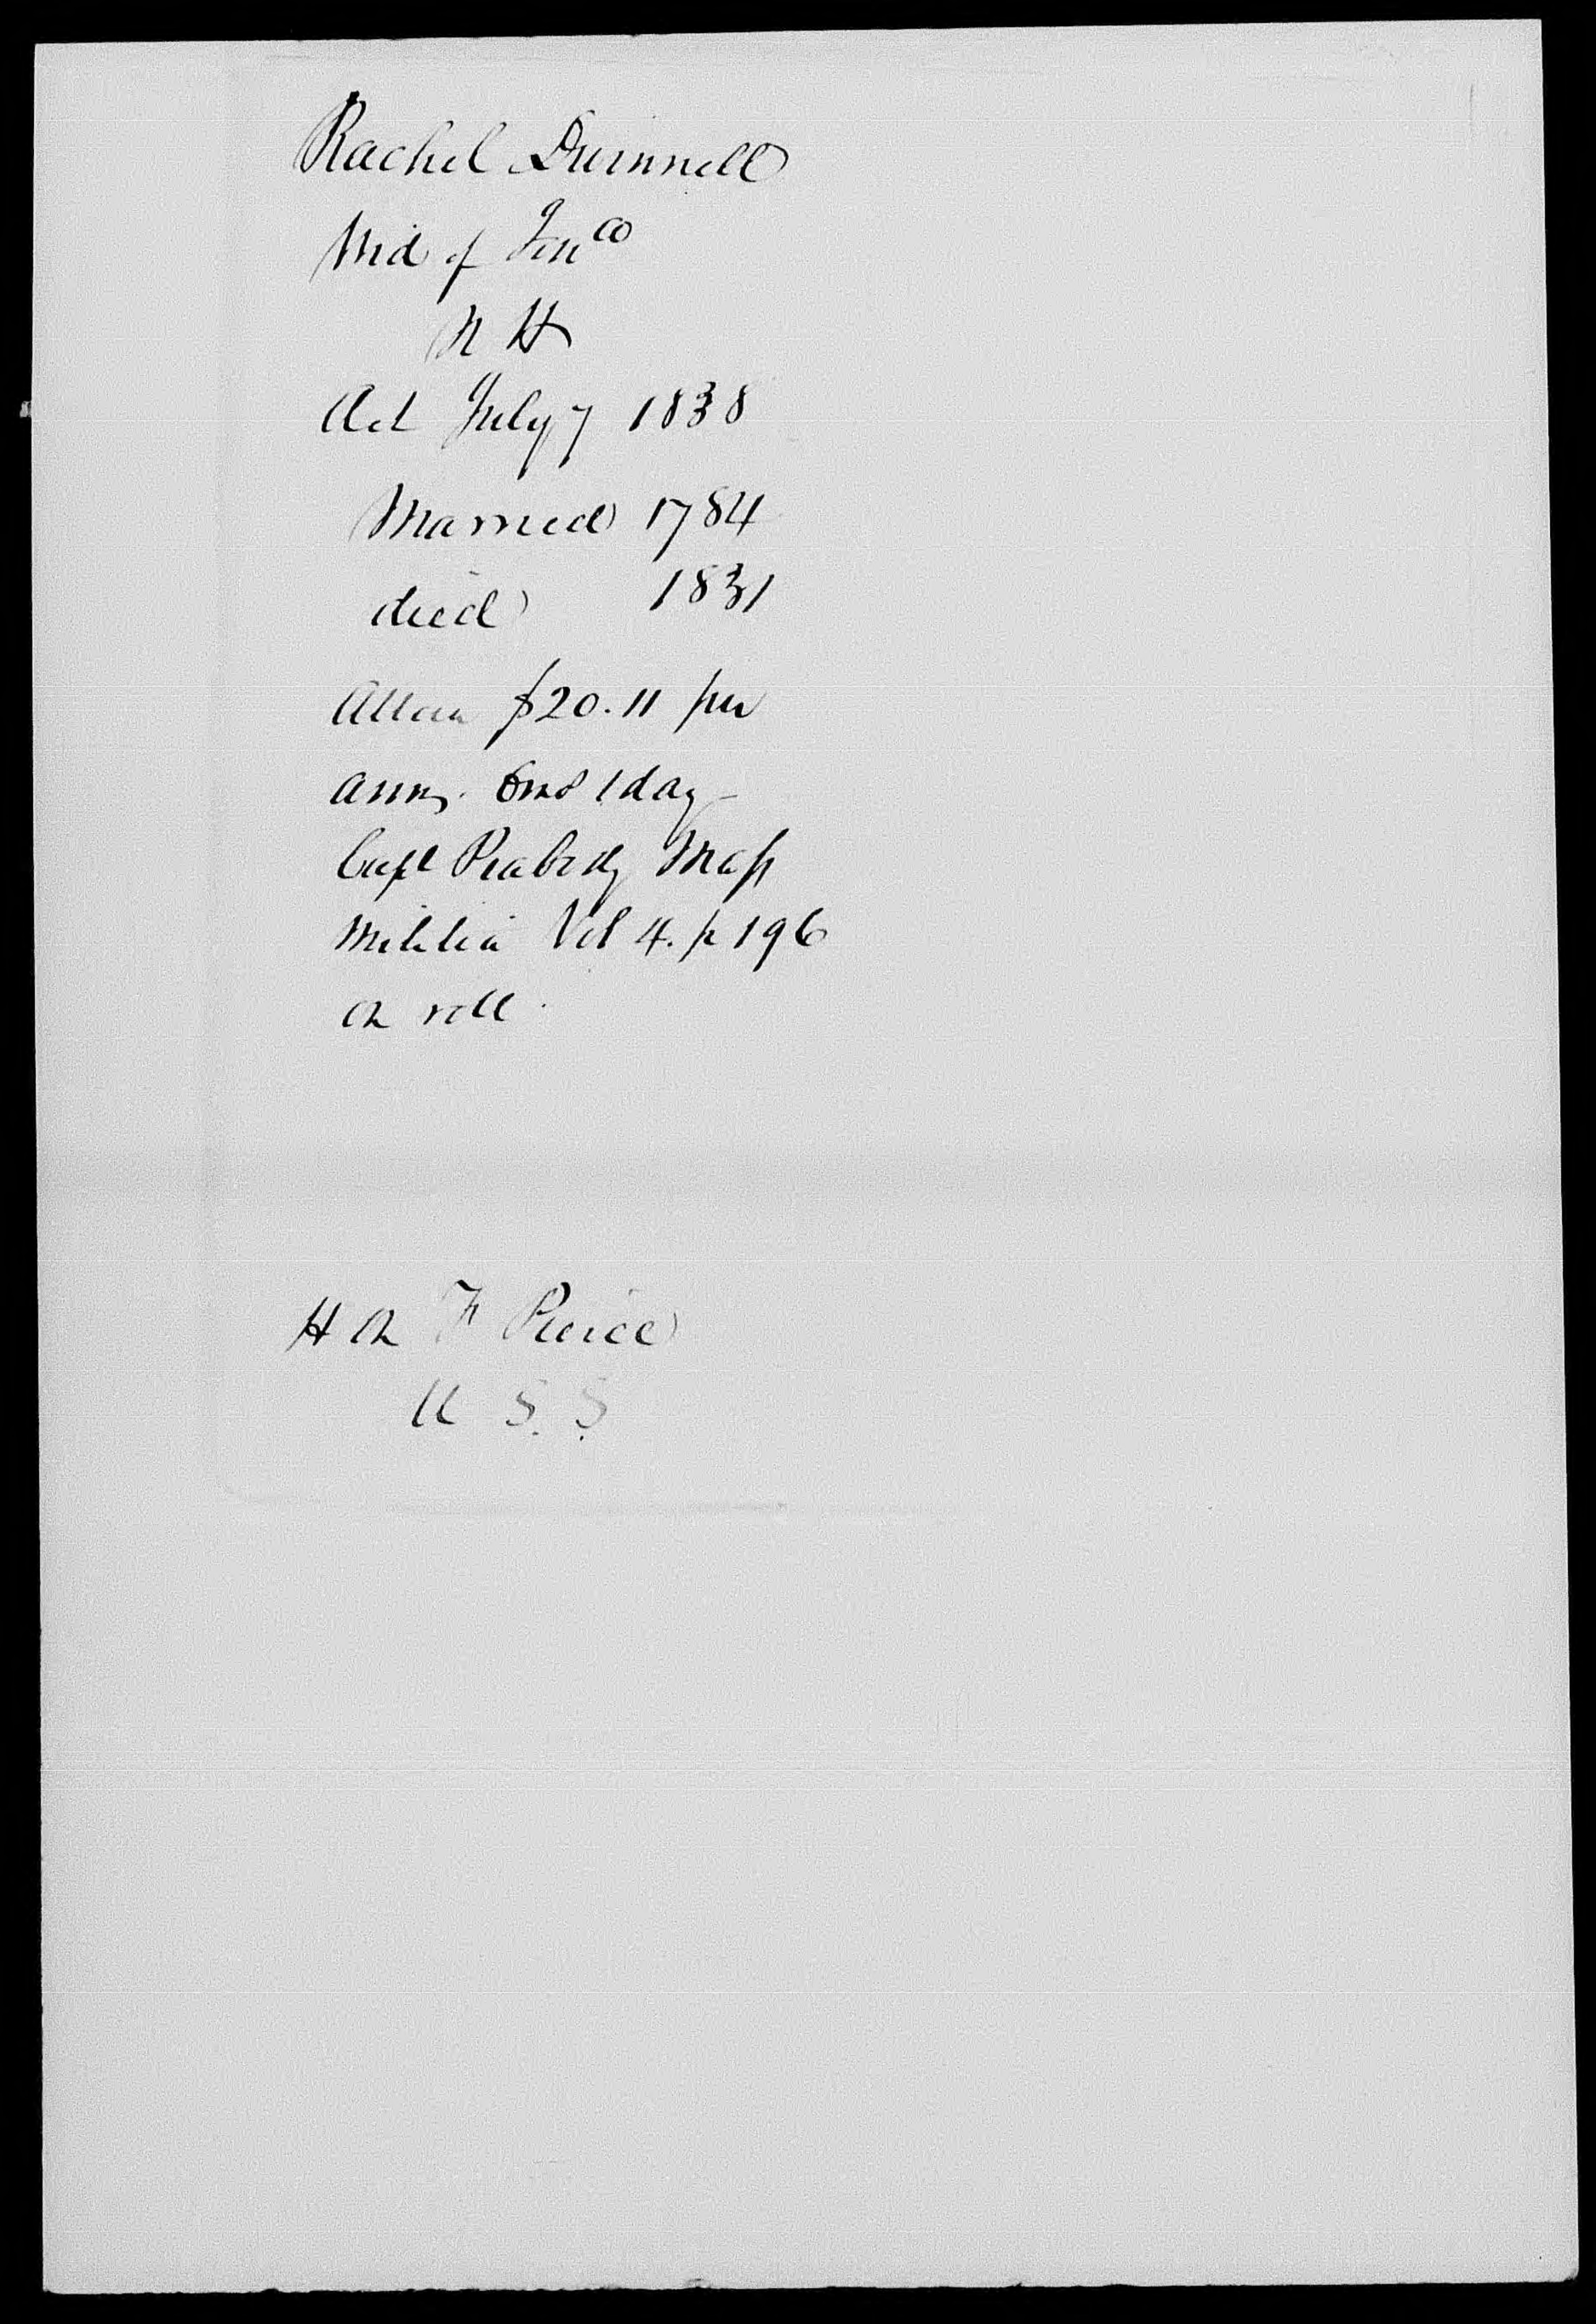Rachel Dwinnell
Wid of [illegible]
NH
Act of July 7 1838
Married 1784
died 1831
Allow $20.11 per
annum find 1 day
Capt Peabody Mass
Militia Vol 4. p 196
on roll

Hon. J Pierce
US.S.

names: Jona, Peabody, Rachel Dwinnell, F Pierce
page: 10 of 22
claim: widow's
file: W. 22984, John Dwinnell, Mass.